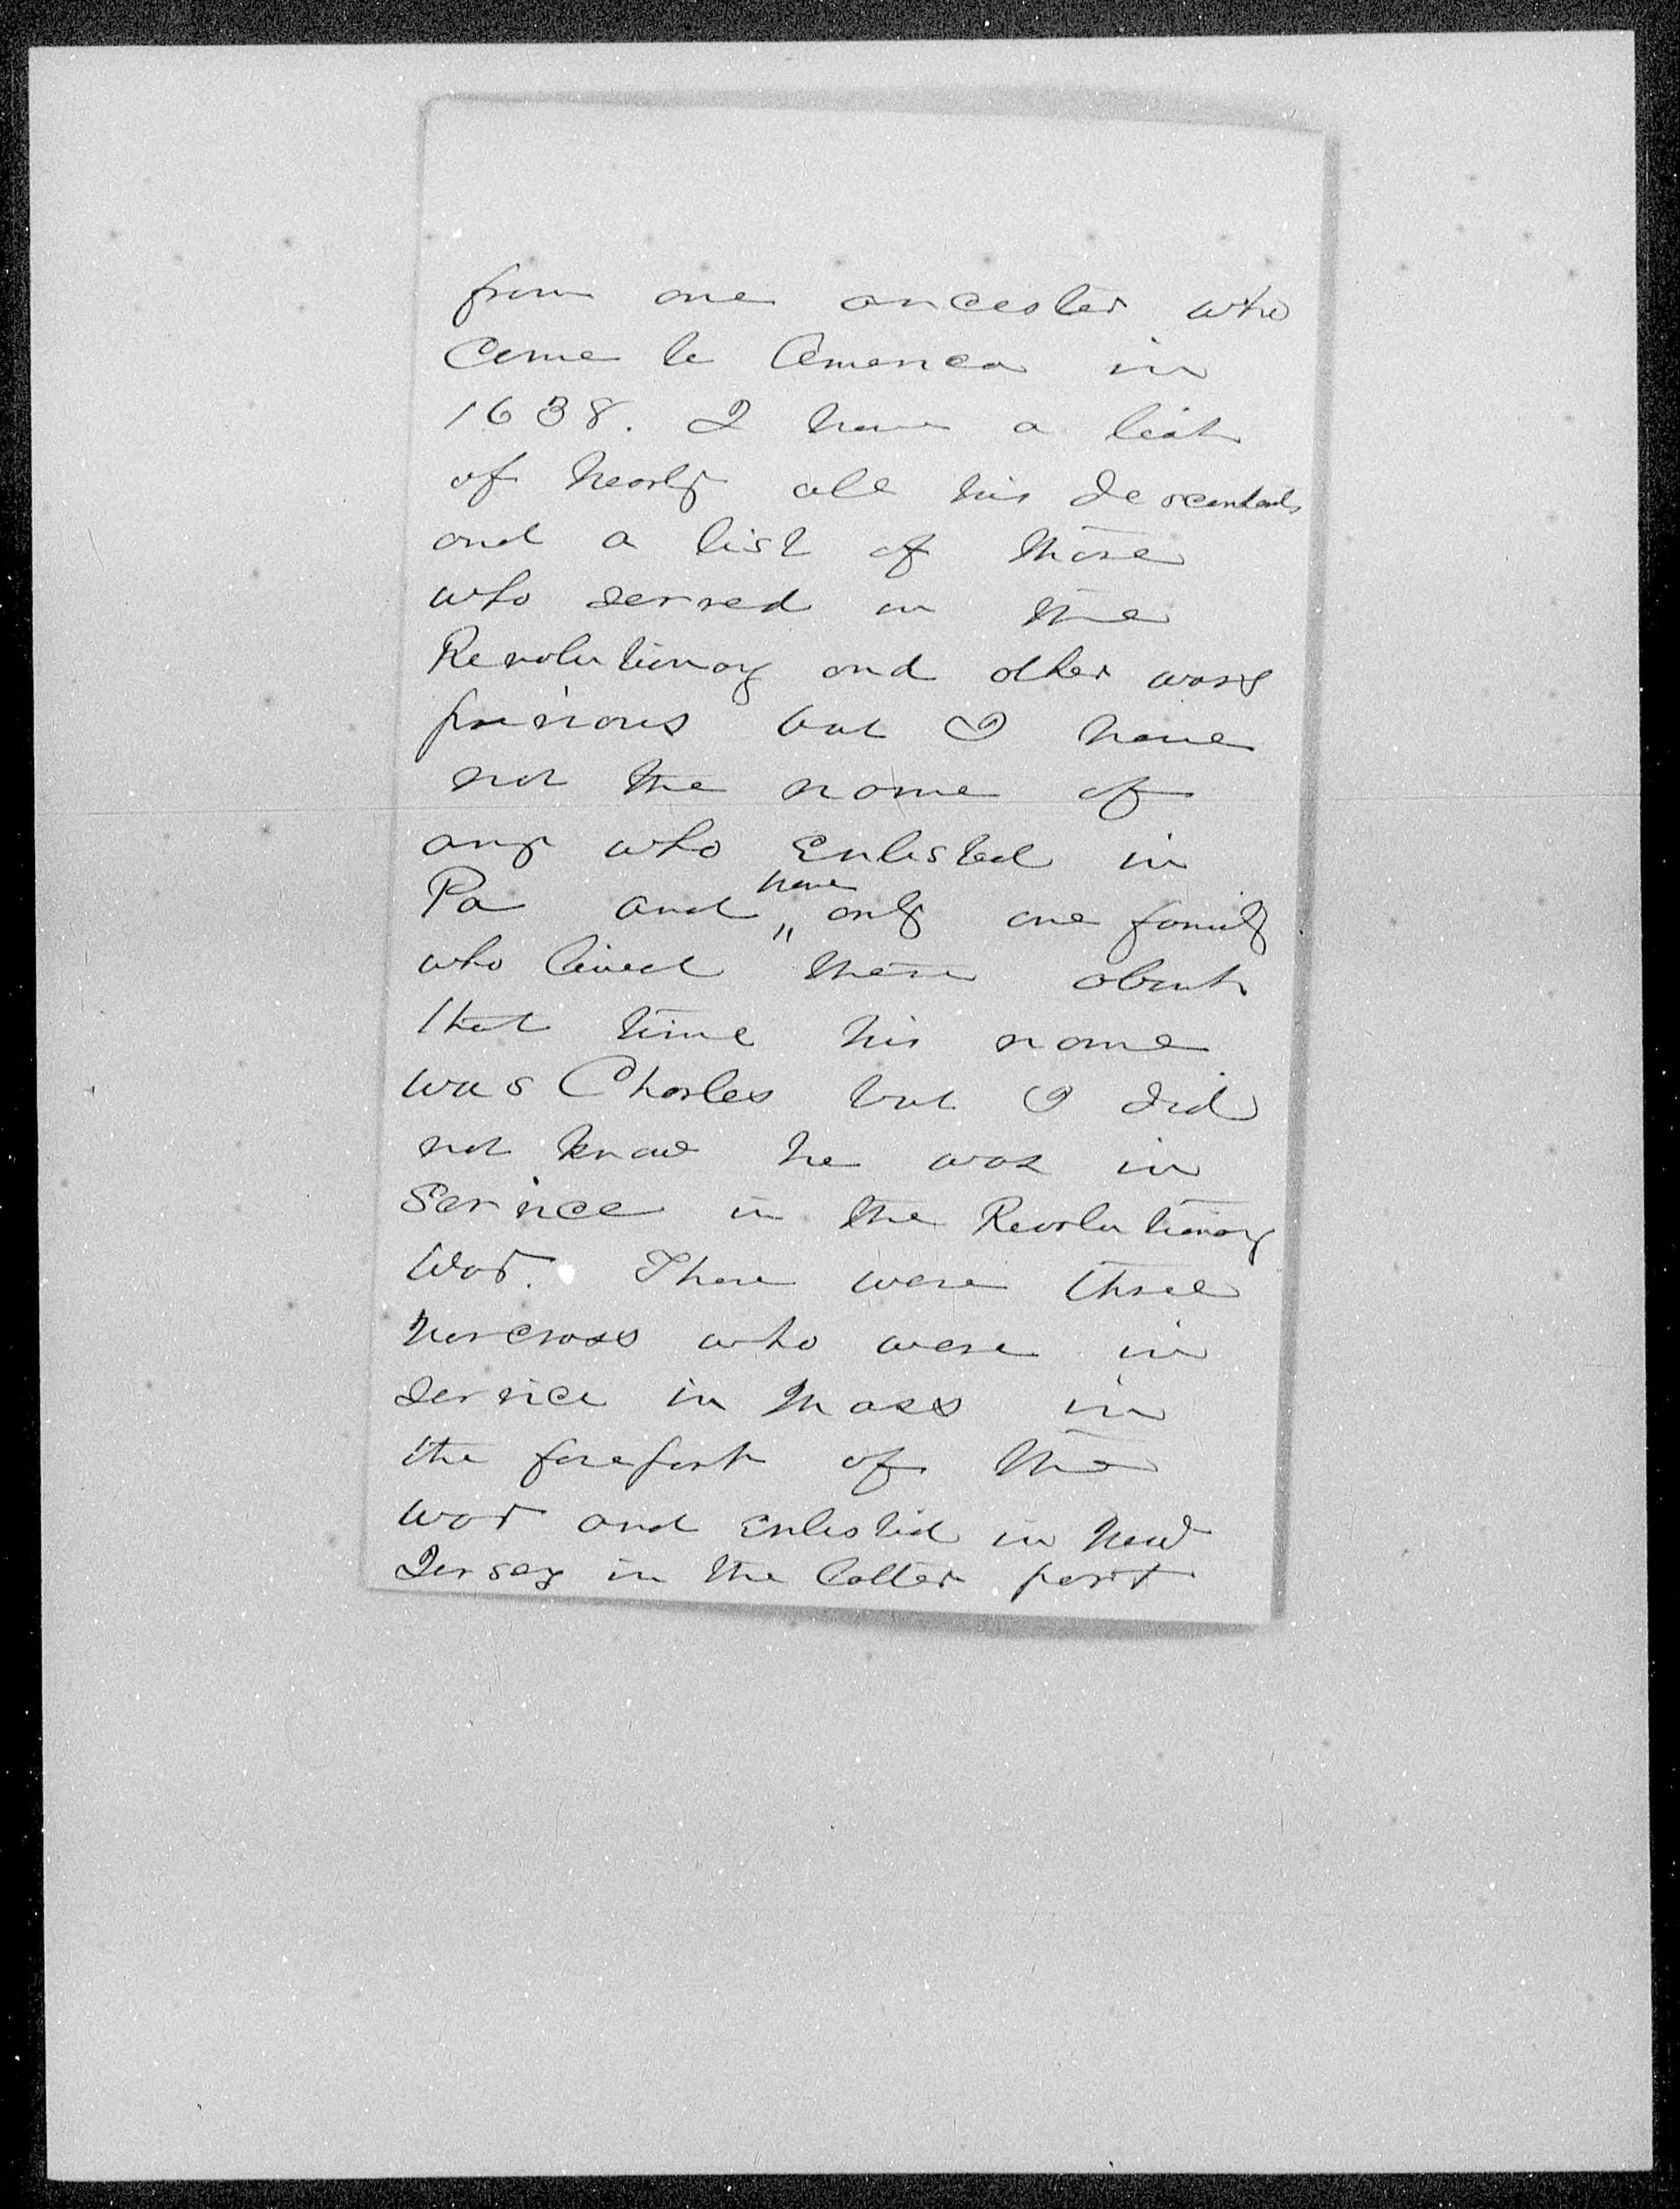from one ancestor who
came to America in
1638. I have a list 
of nearly all his descendants
and a list of those 
who served in the 
Revolutionary and other wars
previous but I have
not the name of
any who enlisted in
Pa and ^ have only one family 
who lived there about
that time his name
was Charles but I did
not know he was in
service in the Revolutionary
War. There were three
Norcross who were in
service in Mass in
the forefront of the
war and enlisted in New
Jersey in the latter part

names: Charles [BLANK]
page: 18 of 23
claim: survivor's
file: S. 27257, for John Norcross, Pennsylvania